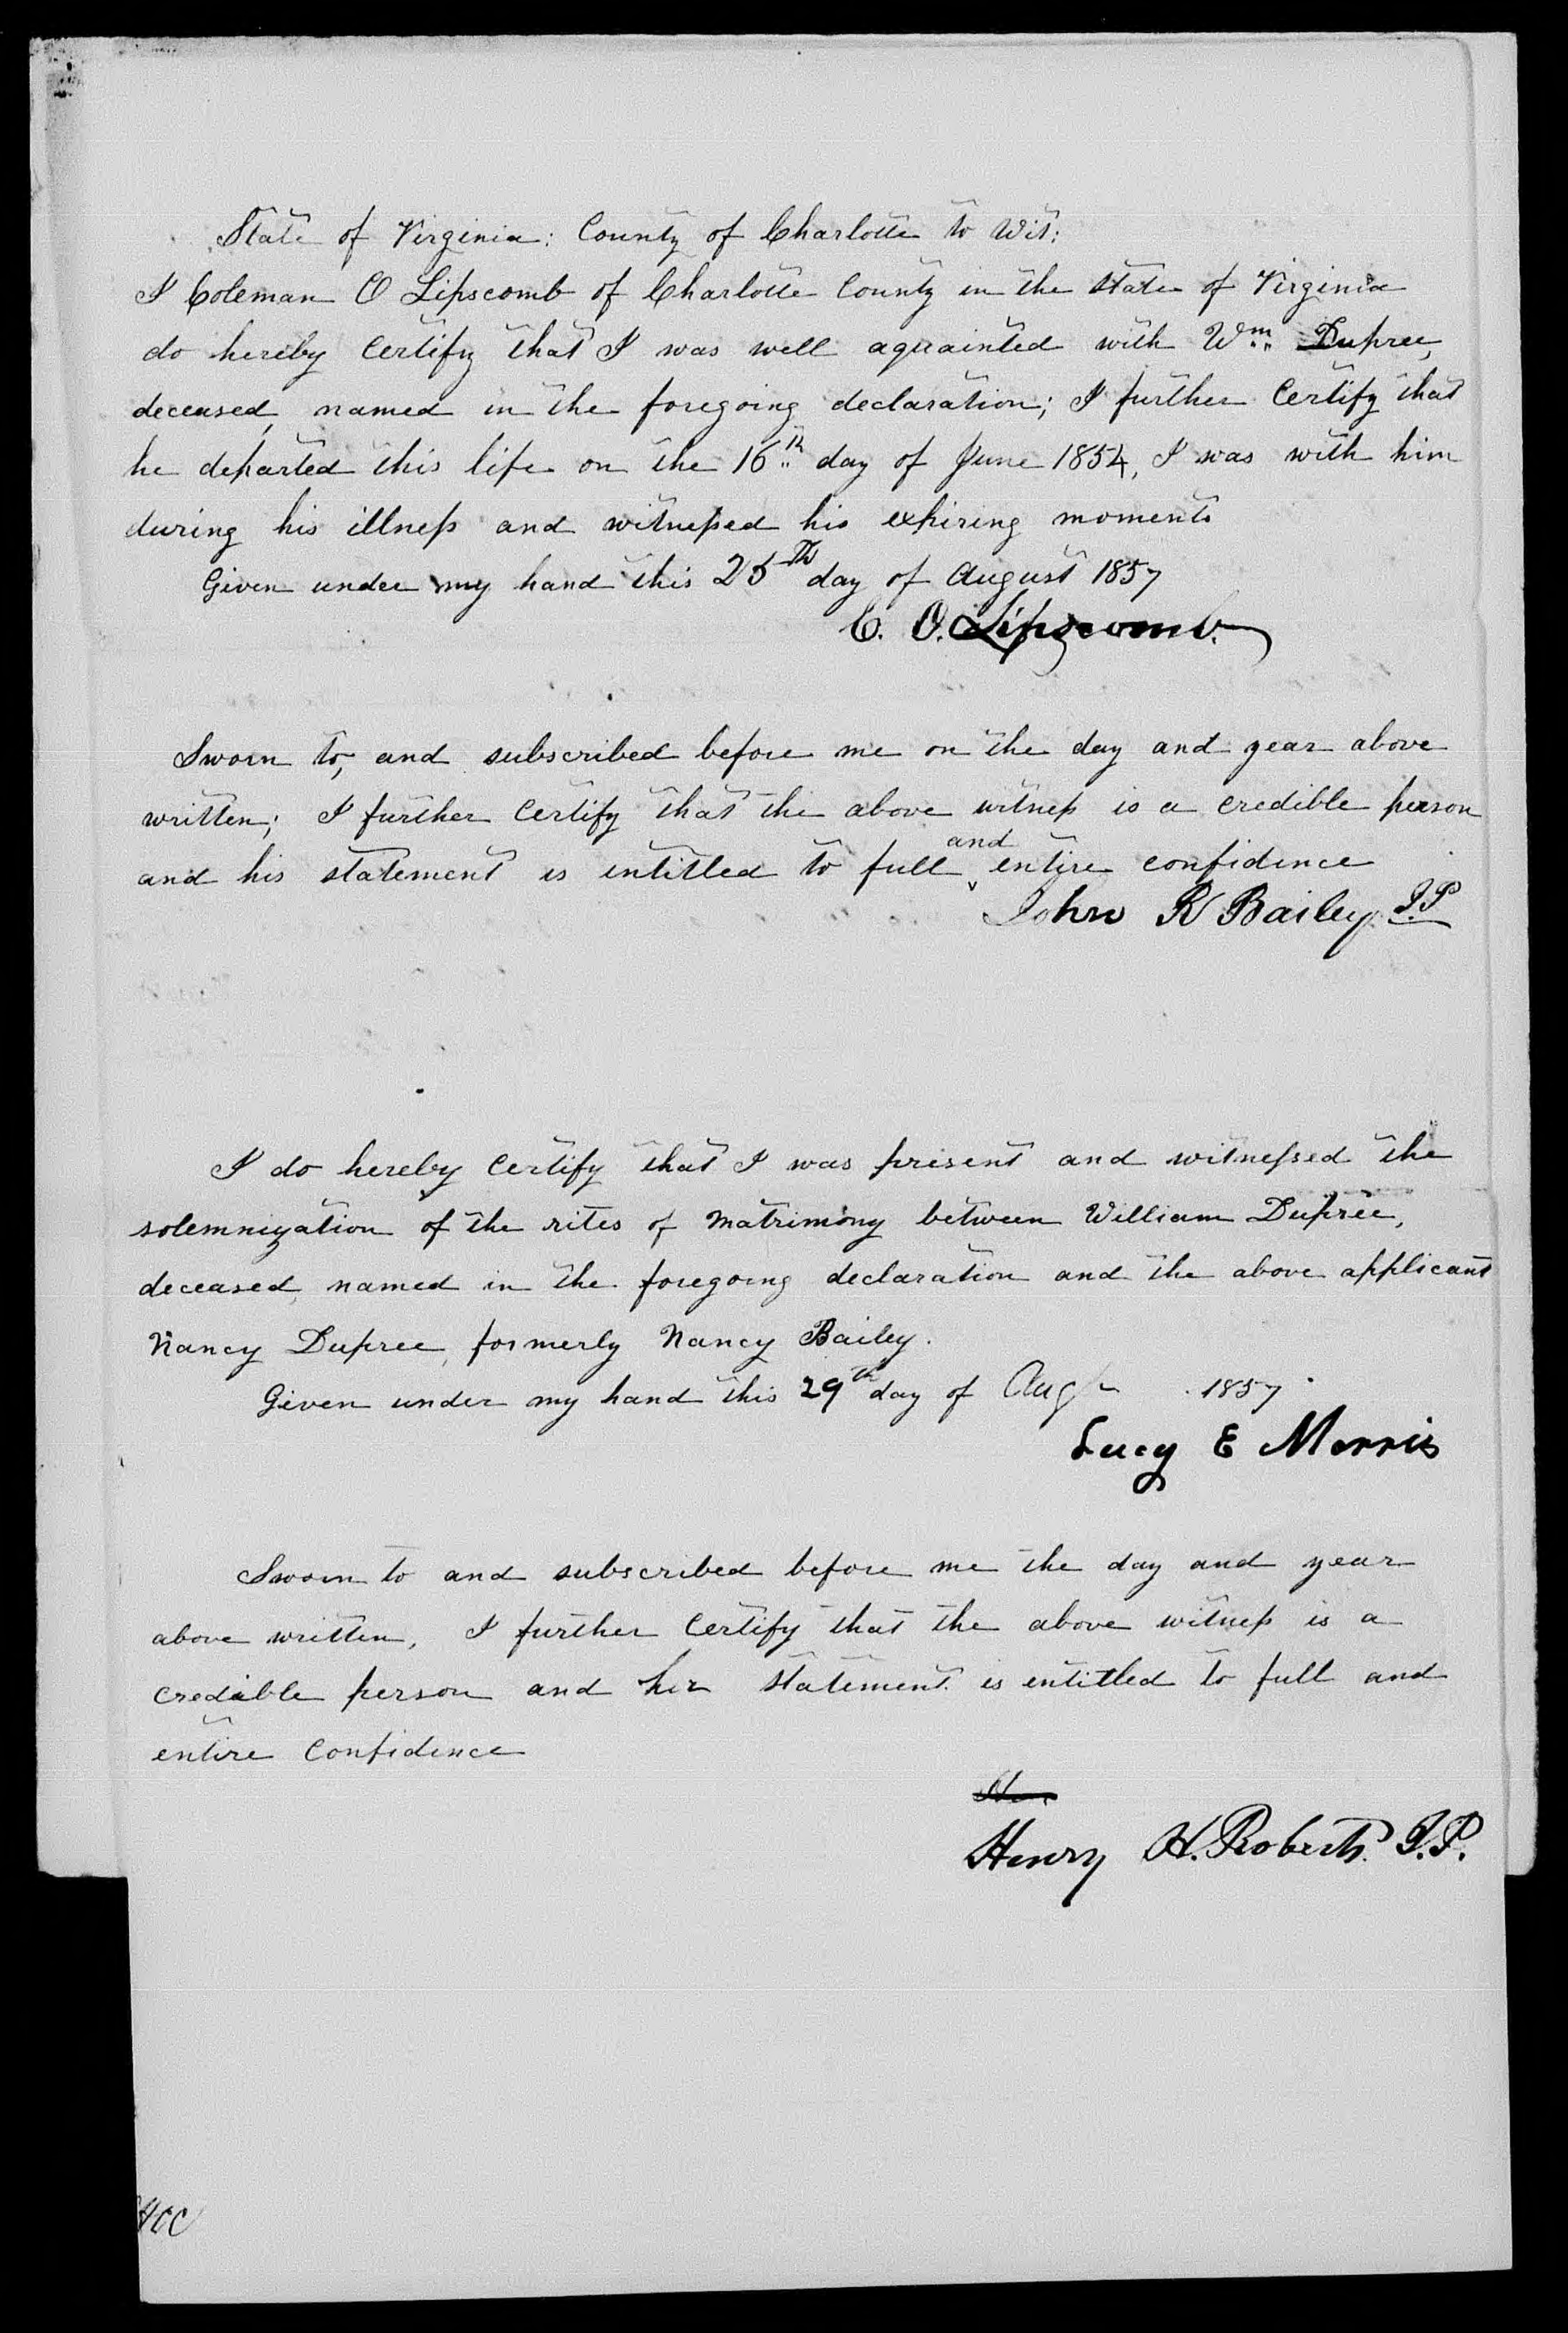State of Virginia: County of Charlotte To Wit:
I Coleman O Lipscomb of Charlotte County in the state of Virginia do hereby certify that I was well aquainted with Wm Dupree, deceased, named in the foregoing declaration; I further certify that he departed this life on the 16th day of June 1854, I was with him during his illness and witnessed his expiring moments
Given under my hand this 25th day of August 1857
C. O. Lipscomb

Sworn to and subscribed before me the day and year above written; I further certify that the above witness is a credible person and his statement is entitled to full and entire confidence
John R. Bailey J.P

I do hereby certify that I was present and witnessed the solemnization of the rites of matrimony between William Dupree, deceased, named in the foregoing declaration and the above applicant Nancy Dupree, formerly Nancy Bailey.
Given under my hand this 29th day of Aug- 1857
Lucy E Morris

Sworn to and subscribed before me the day and year above written. I further certify that the above witness is a credible person and her statement is entitled to full and entire confidence
Henry H. Roberts J.P.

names: Lucy E Morris, Nancy Bailey, William Dupree, C O Lipscomb, Nancy Dupree, Henry H Roberts, Coleman O Lipscomb, John R Bailey, Wm Dupree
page: 5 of 8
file: B. L. Rej. 281092-1855, William Dupree, Va.